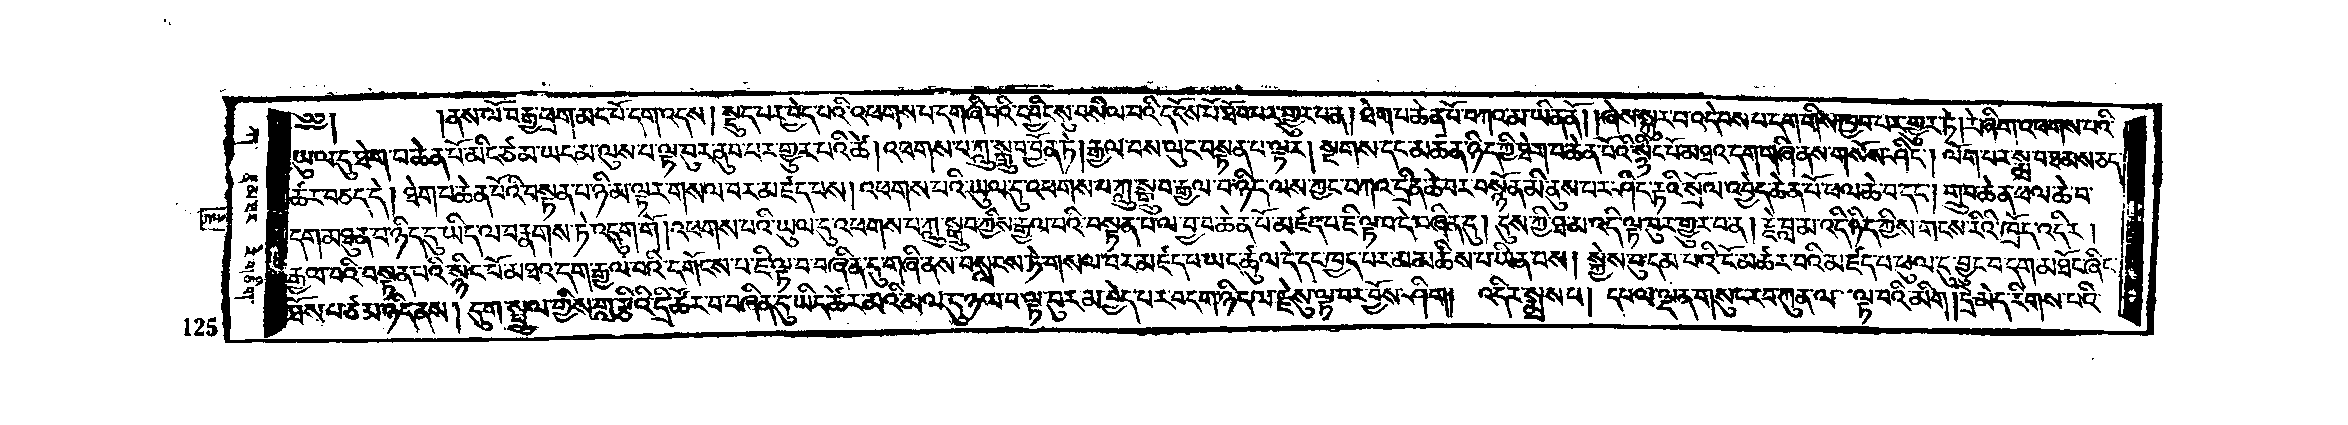༄༅། །ནས་ལོ་བརྒྱ་ཕྲག་མང་པོ་དག་འདས། སྡུད་པར་བྱེད་པའི་འཕགས་པ་དག་ཞི་བའི་དབྱིངས་སུ་བསིལ་བའི་དངོས་པོ་ཐོབ་པར་གྱུར་པ་ན། ཐེག་པ་ཆེན་པོ་བཀའ་མ་ཡིན་ནོ། །ཞེས་སྐུར་བ་འདེབས་པ་དག་གིས་ཁྱབ་པར་གྱུར་ཏེ། རེ་ཞིག་འཕགས་པའི་
ཡུལ་དུ་ཐེག་པ་ཆེན་པོ་མིང་ཙམ་ཡང་མ་ལུས་པ་ལྟ་བུར་ནུབ་པར་གྱུར་པའི་ཚེ། འཕགས་པ་ཀླུ་སྒྲུབ་བྱོན་ཏེ། རྒྱལ་བས་ལུང་བསྟན་པ་ལྟར། སྔགས་དང་མཚན་ཉིད་ཀྱི་ཐེག་པ་ཆེན་པོའི་སྙིང་པོ་མཐའ་དག་གཞི་ནས་གསོས་ཤིང་། ལོག་པར་སྨྲ་བ་ཐམས་ཅད་
ཚར་བཅད་དེ། ཐེག་པ་ཆེན་པོའི་བསྟན་པ་ཉི་མ་ལྟར་གསལ་བར་མཛད་པས། འཕགས་པའི་ཡུལ་དུ་འཕགས་པ་ཀླུ་སྒྲུབ་རྒྱལ་བ་ཉིད་ལས་ཀྱང་བཀའ་དྲིན་ཆེ་བར་བསྙོན་མི་ནུས་པར་ཤིང་རྟའི་སྲོལ་འབྱེད་ཆེན་པོ་ཕལ་ཆེ་བ་དང་། གྲུབ་ཆེན་ཕལ་ཆེ་བ་
དག་མཐུན་པ་ཉིད་དུ་ཡིད་ལ་བརྣགས་ཏེ་འདུག་གོ །འཕགས་པའི་ཡུལ་དུ་འཕགས་པ་ཀླུ་སྒྲུབ་ཀྱིས་རྒྱལ་བའི་བསྟན་པ་ལ་བྱ་བ་ཆེན་པོ་མཛད་པ་ཇི་ལྟ་བ་དེ་བཞིན་དུ། དུས་ཀྱི་ཐ་མ་འདི་ལྟ་བུར་གྱུར་པ་ན། རྗེ་བླ་མ་འདི་ཉིད་ཀྱིས་གངས་རིའི་ཁྲོད་འདིར།
རྒྱལ་བའི་བསྟན་པའི་སྙིང་པོ་མཐའ་དག་རྒྱལ་བའི་དགོངས་པ་ཇི་ལྟ་བ་བཞིན་དུ་གཞི་ནས་བསླངས་ཏེ་གསལ་བར་མཛད་པ་ཡང་ཚུལ་དེ་དང་ཁྱད་པར་མ་མཆིས་པ་ཡིན་པས། སྐྱེས་བུ་དམ་པའི་ངོ་མཚར་བའི་མཛད་པ་ཕུལ་དུ་བྱུང་བ་དག་མཐོང་ཞིང་
ཐོས་པ་ཙམ་ཉིད་ནས། དུག་སྤྲུལ་གྱིས་གླ་རྩིའི་དྲི་ཚོར་བ་བཞིན་དུ་ཡིད་ཚེར་མའི་མལ་དུ་ཉལ་བ་ལྟ་བུར་མ་བྱེད་པར་བདག་ཉིད་ལ་རྗེས་སུ་ལྟ་བར་བྱོས་ཤིག །འདིར་སྨྲས་པ། དཔལ་ལྡན་གསུང་རབ་ཀུན་ལ་ལྟ་བའི་མིག །དྲི་མེད་རིགས་པའི་